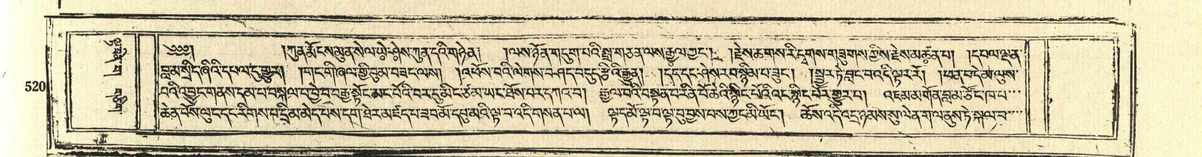༄༅༅། །ཀུན་རྨོངས་མུན་སེལ་ཡེ྾་ཤེས྾་ཀུན་དའི་གཉེན། །ལས་ཉོན་གདུག་པའི་སྒྲ་གཅན་ལས་རྒྱལ་ཀྱང་། །རྗེས་ཆགས་རི་དྭགས་གཟུགས་ཀྱིས་རྗེས་མཚན྾་པ། །དཔལ་ལྡན་
བླ་མ་སྲིད་ཞིའི་དཔལ་དུ་གྱུར། །གང་གི་ཞལ་གྱི་བུམ་བཟང་ལས། །འཕོས་བའི་ལེགས་བཤད་བདུད་རྩིའི་རྒྱུན། །དད་དང་ཤེས་རབ་སྙིམ་པ་ཟུང་། །སྦྱར་ཏེ་བླང་བ་འདི་ལྟར་རོ། །ཕན་བདེ་མ་ལུས་
བའི་འབྱུང་གནས་དམ་པ་བསྐལ་བ་བྱེ་བ་བརྒྱ་སྟོང་མང་པོའི་བར་དུ་མིང་ཙམ་ཡང་ཐོས་པར་དཀའ་བ། རྒྱལ་བའི་བསྟན་པ་རིན་པོ་ཆེའི་སྙིང་པོའི་འང་སྙིང་པོར་གྱུར་བ། འཇམ་མགོན་བླ་མ་ཙོང་ཁ་པ་
ཆེན་པོས་ལུང་དང་རིགས་པ་དྲི་མ་མེད་པས་དག་ཐེར་མཛད་པ་ཟབ་མོ་དབུ་མའི་ལྟ་བ་འདི་གསན་པ་ལ། ལྟད་མོ་ལྟ་བ་ལྟ་བུ་བྱས་པས་ཀྱང་མི་ཡོང་། ཆོས་འདི་འདྲ་ཉམས་སུ་ལེན་ག་ལ་ནུས་ཏེ་སྐལ་བ་